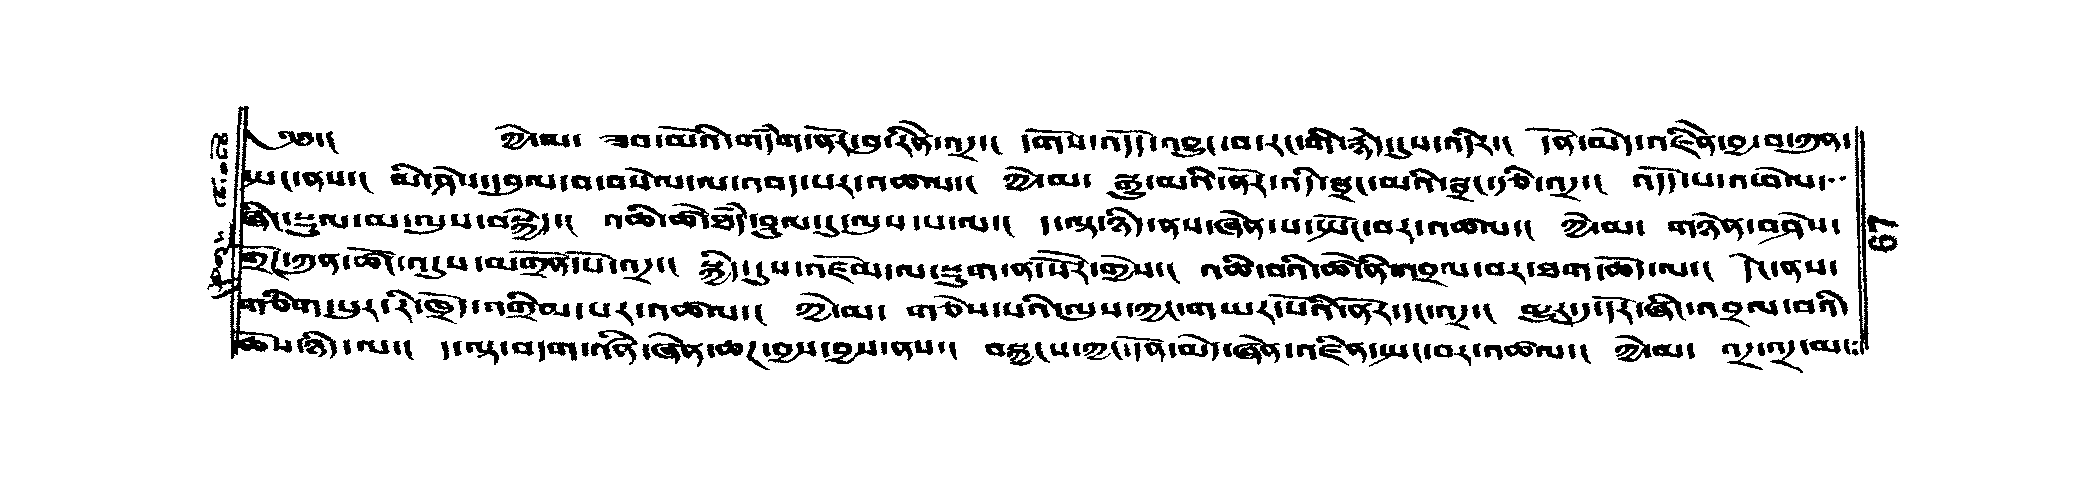ཀྱེ་མ། ཟབ་མོའི་གདམས་ངག་ནོར་བུ་རིན་ཆེན་འདྲ། །དགོས་འདོད་འབྱུང་བ་རང་གི་རྙེད་དུས་འདིར། །དོན་མེད་འཇིག་རྟེན་བྱ་བ་ཀུན་
སྤངས་ནས། །མི་ཤེས་དབུལ་བ་བསལ་ལ་འབད་པར་འཚལ། ཀྱེ་མ། སྒྱུ་མའི་ནོར་འདི་སྦྲང་མའི་སྦྲང་རྩི་འདྲ། །འདོད་པ་འཕེལ་
ཞིང་སྡུག་བསྔལ་མ་ལུས་བསྐྱེད། །འཆི་ཚེ་ཐམས་ཅད་ཤུལ་དུ་ལུས་པ་ལ། །ད་ལྟ་ཉིད་ནས་ཆོས་ལ་བརྩོན་པར་འཚལ། ཀྱེ་མ། གཉེན་བཤེས་
གྲོགས་ཀུན་ཚོང་འདུས་མགྲོན་པོ་འདྲ། །སྐྱིད་དུས་འཛོམ་ལ་སྡུག་དུས་སོ་སོར་གྱེས། །འཆི་བའི་ཚེ་ནི་འབྲལ་བར་ཐག་ཆོད་ལ། །དེང་ནས་
གཅིག་པུ་རི་ཁྲོད་འགྲིམ་པར་འཚལ། ཀྱེ་མ། གཅེས་པའི་ལུས་ཀྱང་གཡར་པོའི་ནོར་དང་འདྲ། །མྱུར་དུ་དོར་ཞིང་འབྲལ་བའི་
ཆོས་ཉིད་ལ། །ད་ལྟ་བདག་འཛིན་ཞེན་ཆགས་བྱས་བྱས་ནས། །བསྐྱངས་ཀྱང་དོན་མེད་ཞེན་འཛིན་སྤོང་བར་འཚལ། ཀྱེ་མ། འདྲ་འདྲ་མང་